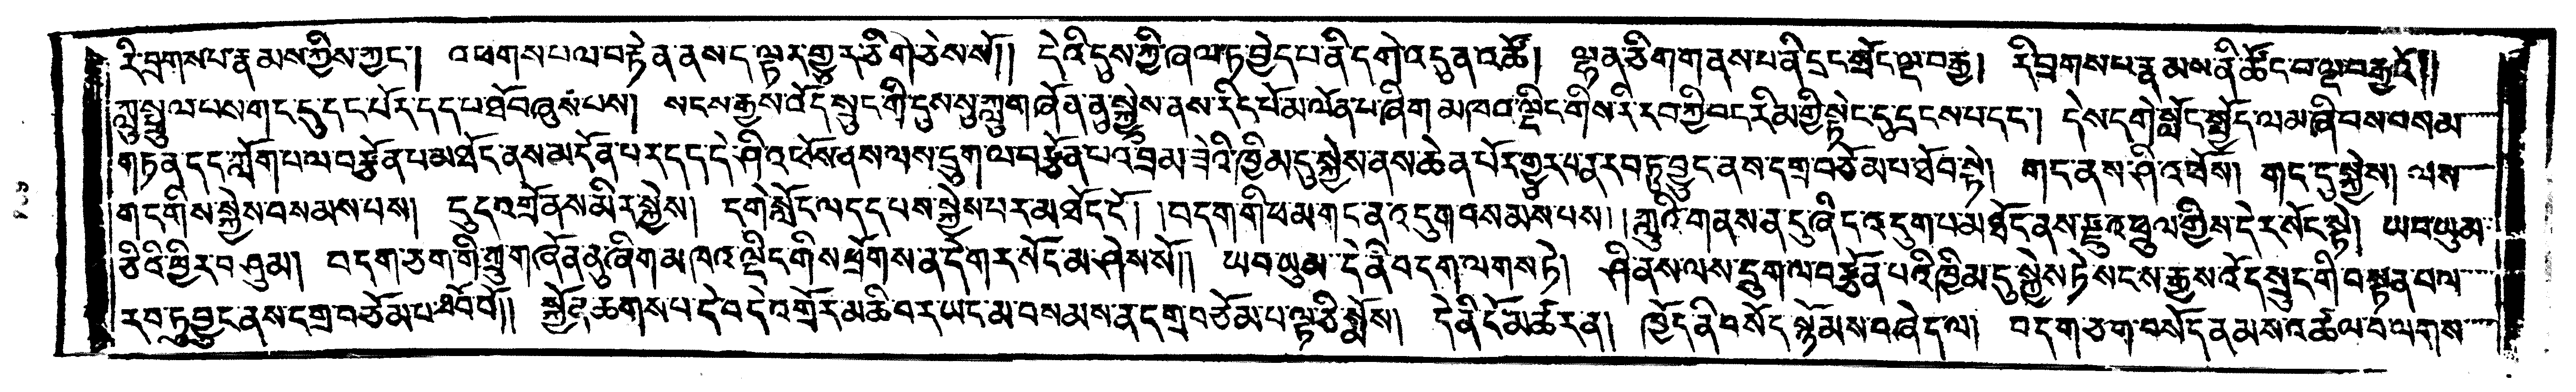རི་བྲགས་པ་རྣམས་ཀྱིས་ཀྱང་། འཕགས་པ་ལ་བརྟེན་ནས་ད་ལྟར་གྱུར་ཅིག་ཅེས་སོ།། དེའི་དུས་ཀྱི་ཞལ་ཏ་བྱེད་པ་ནི་དགེ་འདུན་འཚོ། ལྷན་ཅིག་གནས་པ་ནི་དྲང་སྲོང་ལྔ་བརྒྱ། རི་བྲགས་པ་རྣམས་ནི་ཚོང་བ་ལྔ་བརྒྱའོ།།
ཀླུ་སྤྲུལ་པས་གང་དུ་དང་པོར་དད་པ་ཐོབ་ཞུས་པས། སངས་རྒྱས་འོད་སྲུང་གི་དུས་སུ་ཀླུ་གཞོན་ནུ་སྐྱེས་ནས་རིང་པོ་མ་ལོན་པ་ཞིག་མཁའ་ལྡིང་གིས་རི་རབ་ཀྱི་བང་རིམ་གྱི་སྟེང་དུ་དྲངས་པ་དང་། དེས་དགེ་སློང་སྤྱོད་ལམ་ཞིབས་བསམ་
གཏན་དང་ཀློག་པ་ལ་བརྩོན་པ་མཐོང་ནས་མངོན་པར་དད་དེ་ཤི་འཕོས་ནས་ལས་དྲུག་ལ་བརྩོན་པཱྀ་བྲམ་ཟེའི་ཁྱིམ་དུ་སྐྱེས་ནས་ཆེན་པོར་གྱུར་པ་ན་རབ་ཏུ་བྱུང་ནས་དགྲ་བཅོམ་པ་ཐོབ་སྟེ། གང་ནས་ཤི་འཕོས། གང་དུ་སྐྱེས། ལས་
གང་གིས་སྐྱེས་བསམས་པས། དུད་འགྲོ་ནས་མིར་སྐྱེས། དགེ་སློང་ལ་དད་པས་སྐྱེས་པར་མཐོང་ངོ། །བདག་གི་ཕ་མ་གང་ན་འདུག་བསམས་པས། །ཀླུའི་གནས་ན་དུ་ཞིང་འདུག་པ་མཐོང་ནས་རྫུ་འཕྲུལ་གྱིས་དེར་སོང་སྟེ། ཡབ་ཡུམ་
ཅིའི་ཕྱིར་བཤུམ། བདག་ཅག་གི་ཀྲུ་གཞོན་ནུ་ཞིག་མཁའ་ལྡིང་གིས་ཕྲོགས་ན་དེ་གར་སོང་མ་ཤེས་སོ།། ཡབ་ཡུམ་དེ་ནི་བདག་ལགས་ཏེ། ཤི་ནས་ལས་དྲུག་ལ་བརྩོན་པའི་ཁྱིམ་དུ་སྐྱེས་ཏེ་སངས་རྒྱས་འོད་སྲུང་གི་བསྟན་པ་ལ་
རབ་ཏུ་བྱུང་ནས་དགྲ་བཅོམ་པ་ཐོབ་བོ།། སྐྱོན་ཆགས་པ་དེ་བདེ་འགྲོར་མཆི་བར་ཡང་མ་བསམས་ན་དགྲ་བཅོམ་པ་ལྟ་ཅི་སྨོས། དེ་ནི་ངོ་མཚར་ན། ཁྱོད་ནི་བསོད་སྙོམས་བཞེད་ལ། བདག་ཅག་བསོད་ནམས་འཚལ་བ་ལགས་